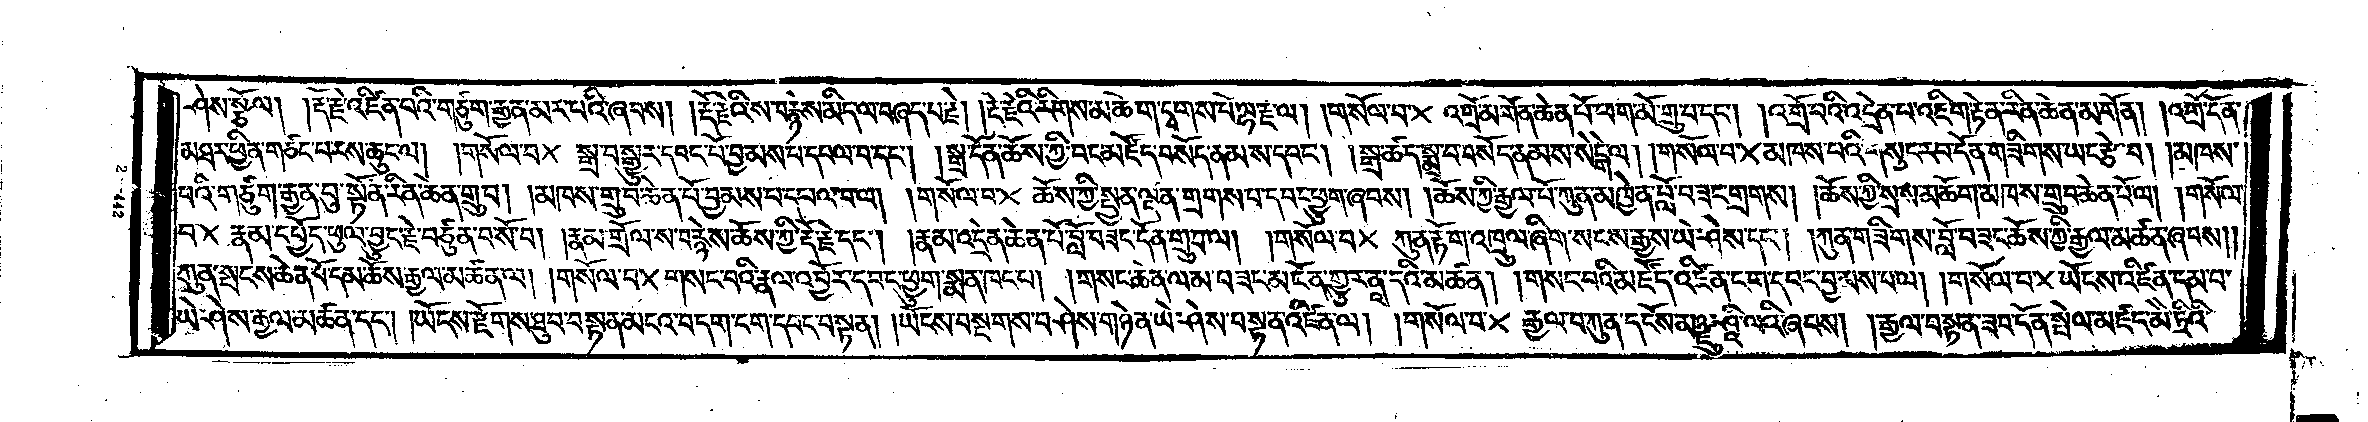ཤེས་སྩོལ། །རྡོ་རྗེ་འཛིན་པའི་གཙུག་རྒྱན་མར་པའི་ཞབས། །རྡོ་རྗེའི་ས་བརྙེས་མིད་ལ་བཞད་པ་རྗེ། །རྡོ་རྗེའི་རིགས་མཆོག་དྭགས་པོ་ལྷ་རྗེ་ལ། །གསོལ་བ་྾་འགྲོ་མགོན་ཆེན་པོ་ཕག་མོ་གྲུབ་དང་། །འགྲོ་བའི་འདྲེན་པ་འཇིག་རྟེན་རིན་ཆེན་མགོན། །འགྲོ་དོན་
མཐར་ཕྱིན་གཙང་པ་རས་ཆུང་ལ། །གསོལ་བ་྾་སྒྲ་བསྒྱུར་དབང་པོ་བྱམས་པ་དཔལ་བ་དང་། །སྒྲ་དོན་ཆོས་ཀྱི་བང་མཛོད་བསོད་ནམས་དབང་། །སྒྲ་ཚད་སྨྲ་བ་བསོད་ནམས་སེངྒེ་ལ། །གསོལ་བ་྾་མཁས་པའི་གསུང་རབ་དོན་གཟིགས་ཡང་རྩེ་བ། །མཁས་
བའི་གཙུག་རྒྱན་བུ་སྟོན་རིན་ཆེན་གྲུབ། །མཁས་གྲུབ་ཆེན་པོ་བྱམས་པ་དཔལ་བ་ལ། །གསོལ་བ་྾་ཆོས་ཀྱི་སྤྱན་ལྡན་གྲགས་པ་དབང་ཕྱུག་ཞབས། །ཆོས་ཀྱི་རྒྱལ་པོ་ཀུན་མཁྱེན་བློ་བཟང་གྲགས། །ཆོས་ཀྱི་སྲས་མཆོག་མཁས་གྲུབ་ཆེན་པོ་ལ། །གསོལ་
བ་྾་རྣམ་དཔྱོད་ཕུལ་བྱུང་རྗེ་བཙུན་བ་སོ་བ། །རྣམ་གྲོལ་ས་བརྙེས་ཆོས་ཀྱི་རྡོ་རྗེ་དང་། །རྣམ་འདྲེན་ཆེན་པོ་བློ་བཟང་དོན་གྲུབ་ལ། །གསོལ་བ་྾་ཀུན་རྟོག་འཁྲུལ་ཞིག་སངས་རྒྱས་ཡེ་ཤེས་དང་། །ཀུན་གཟིགས་བློ་བཟང་ཆོས་ཀྱི་རྒྱལ་མཚན་ཞབས།། ཀུན་སྤངས་ཆེན་པོ་དམ་ཆོས་རྒྱལ་མཚན་ལ། །གསོལ་བ་྾་གསང་བའི་རྣལ་འབྱོར་དབང་ཕྱུག་སྨན་ཁང་པ། །གསང་ཆེན་ལམ་བཟང་མངོན་གྱུར་ནཱ་དའི་མཚན། །གསང་བའི་མཛོད་འཛིན་ངག་དབང་བྱམས་པ་ལ། །གསོལ་བ་྾་ཡོངས་འཛིན་དམ་པ་
ཡེ་ཤེས་རྒྱལ་མཚན་དང་། །ཡོངས་རྫོགས་ཐུབ་བསྟན་མངའ་བདག་ངག་དབང་བསྟན། །ཡོངས་བསྔགས་བཤེས་གཉེན་ཡེ་ཤེས་བསྟན་འཛིན་ལ། །གསོལ་བ་྾་རྒྱལ་བ་ཀུན་དངོས་མཉྫུ་ཤཱི་ལའི་ཞབས། །རྒྱལ་བསྟན་ཟབ་དོན་སྤེལ་མཛད་མཻ་ཏྲིའི་